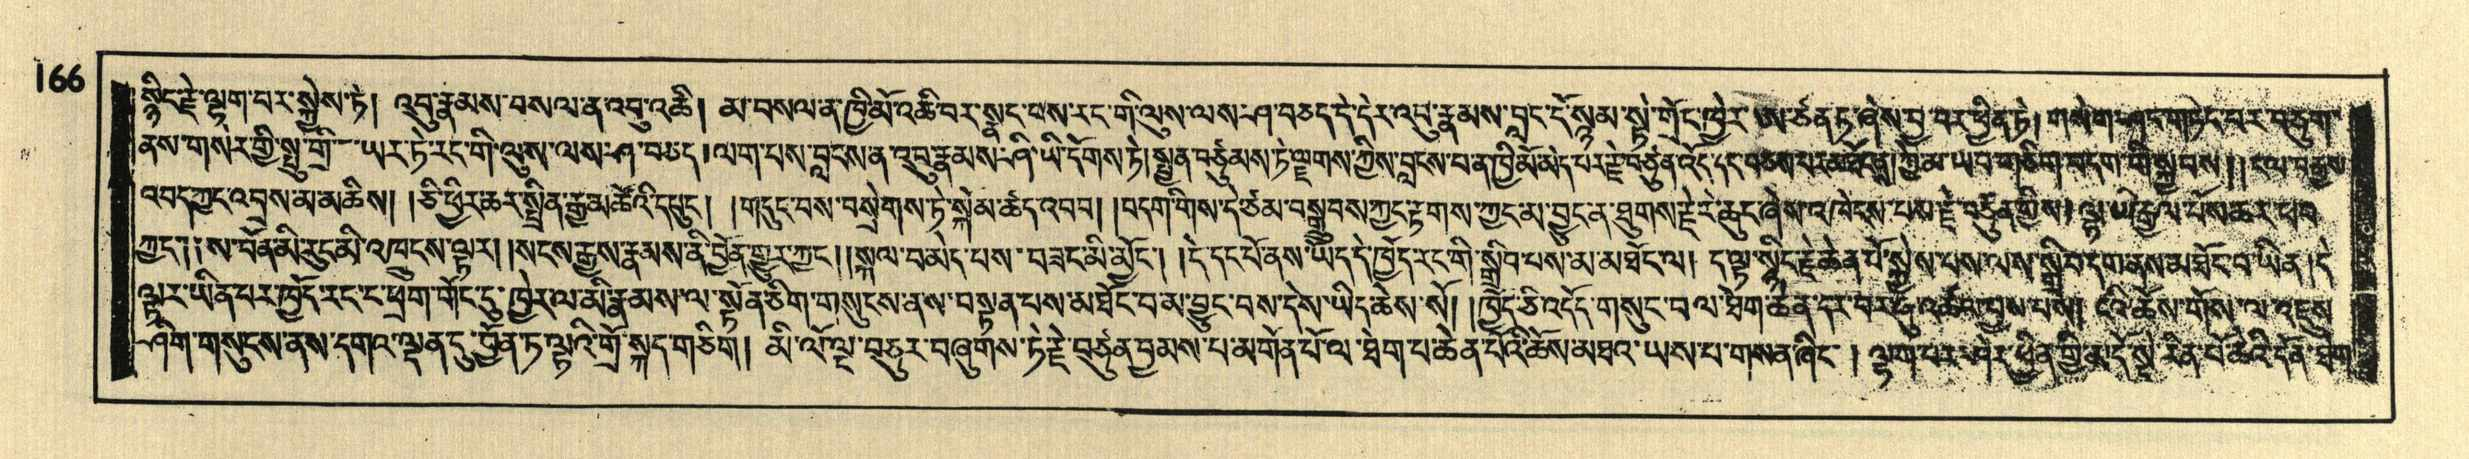སྙིང་རྗེ་ལྷག་པར་སྐྱེས་ཏེ། འབུ་རྣམས་བསལ་ན་འབུ་འཆི། མ་བསལ་ན་ཁྱི་མོ་འཆི་བར་སྣང་བས་རང་གི་ལུས་ལས་ཤ་བཅད་དེ་དེར་འབུ་རྣམས་བླང་དོ་སྙམ་སྟེ་གྲོང་ཁྱེར་ཨ་ཙན་ཏ་ཞེས་བྱ་བར་ཕྱིན་ཏེ། གསེག་ཤང་གཏེང་བར་བཅུག་
ནས་གསེར་གྱི་སྤུ་གྲི་ཡར་ཏེ་རང་གི་ལུས་ལས་ཤ་བཅད་།ལག་པས་བླངས་ན་འབུ་རྣམས་ཤི་ཡི་དོགས་ཏེ། སྤྱན་བཙུམས་ཏེ་ལྗགས་ཀྱིས་བླངས་པ་ན་ཁྱི་མོ་མེད་པར་རྗེ་བཙུན་འོད་དང་བཅས་པར་མཐོང་ནས། ཀྱེ་མ་ཡབ་གཅིག་བདག་གི་སྐྱབས། །ངལ་བརྒྱས་
འབད་ཀྱང་འབྲས་མ་མཆིས། །ཅི་ཕྱིར་ཆར་སྤྲིན་རྒྱ་མཚོའི་དཔུང་། །གདུང་བས་བསྲེགས་ཏེ་སྐོམ་ཚད་འབབ། །བདག་གིས་དེ་ཙམ་བསྒྲུབས་ཀྱང་རྟགས་ཀྱང་མ་བྱུང་ན་ཐུགས་རྗེ་རེ་ཆུང་ཞེས་འཁེངས་པས་རྗེ་བཙུན་གྱིས། ལྷ་ཡི་རྒྱལ་པོས་ཆར་ཕབ་
ཀྱང༑ ༑ས་བོན་མི་རུང་མི་འཁྲུངས་ལྟར། །སངས་རྒྱས་རྣམས་ནི་བྱོན་གྱུར་ཀྱང་། །སྐལ་བ་མེད་པས་བཟང་མི་མྱོང་། །དེ་དང་པོ་ནས་ཡོད་དེ་ཁྱོད་རང་གི་སྒྲིབ་པས་མ་མཐོང་ལ། ད་ལྟ་སྙིང་རྗེ་ཆེན་པོ་སྐྱེས་པས་ལས་སྒྲིབ་དག་ནས་མཐོང་བ་ཡིན་།དེ་
ལྟར་ཡིན་པར་ཁྱོད་རང་ང་ཕྲག་གོང་དུ་ཁྱེར་ལ་མི་རྣམས་ལ་སྟོན་ཅིག་གསུངས་ནས་བསྟན་པས་མཐོང་བ་མ་བྱུང་བས་དེས་ཡིད་ཆེས་སོ། །ཁྱོད་ཅི་འདོད་གསུང་བ་ལ་ཐེག་ཆེན་དར་བར་ཞུ་འཚལ་བྱས་པས། ངའི་ཆོས་གོས་ལ་འཇུས་
ཤིག་གསུངས་ནས་དགའ་ལྡན་དུ་བྱོན་ཏ་ལྷའི་གྲོ་སྐད་གཅིག། མི་ལོ་ལྔ་བཅུར་བཞུགས་ཏེ་རྗེ་བཙུན་བྱམས་པ་མགོན་པོ་ལ་ཐེག་པ་ཆེན་པོའི་ཆོས་མཐའ་ཡས་པ་གསན་ཞིང་། ལྷག་པར་ཤེར་ཕྱིན་གྱི་མདོ་སྡེ་རིན་པོ་ཆེའི་དོན་ཐེག་